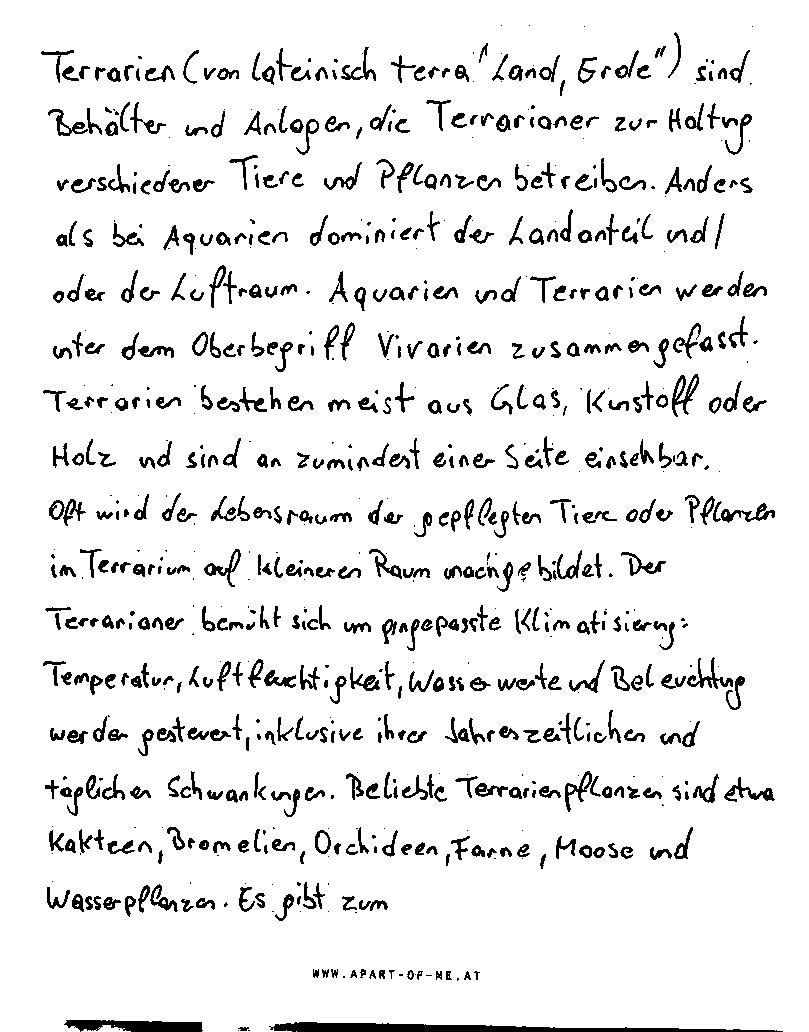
Terrarien (von lateinisch terra "Land, Erde") sind
Behälter und Anlagen, die Terrarianer zur Haltung
verschiedener Tiere und Pflanzen betreiben. Anders
als bei Aquarien dominiert der Landanteil und/
oder der Luftraum. Aquarien und Terrarien werden
unter dem Oberbegriff Vivarien zusammengefasst.
Terrarien bestehen meist aus Glas, Kunststoff oder
Holz und sind an zumindest einer Seite einsehbar.
Oft wird der Lebensraum der gepflegten Tiere oder Pflanzen
im Terrarium auf kleinerem Raum nachgebildet. Der
Terrarianer bemüht sich um angepasste Klimatisierung:
Temperatur, Luftfeuchtigkeit, Wasserwerte und Beleuchtung
werden gesteuert, inklusive ihrer jahreszeitlichen und
täglichen Schwankungen. Beliebte Terrarienpflanzen sind etwa
Kakteen, Bromelien, Orchideen, Farne, Moose und
Wasserpflanzen. Es gibt zum
